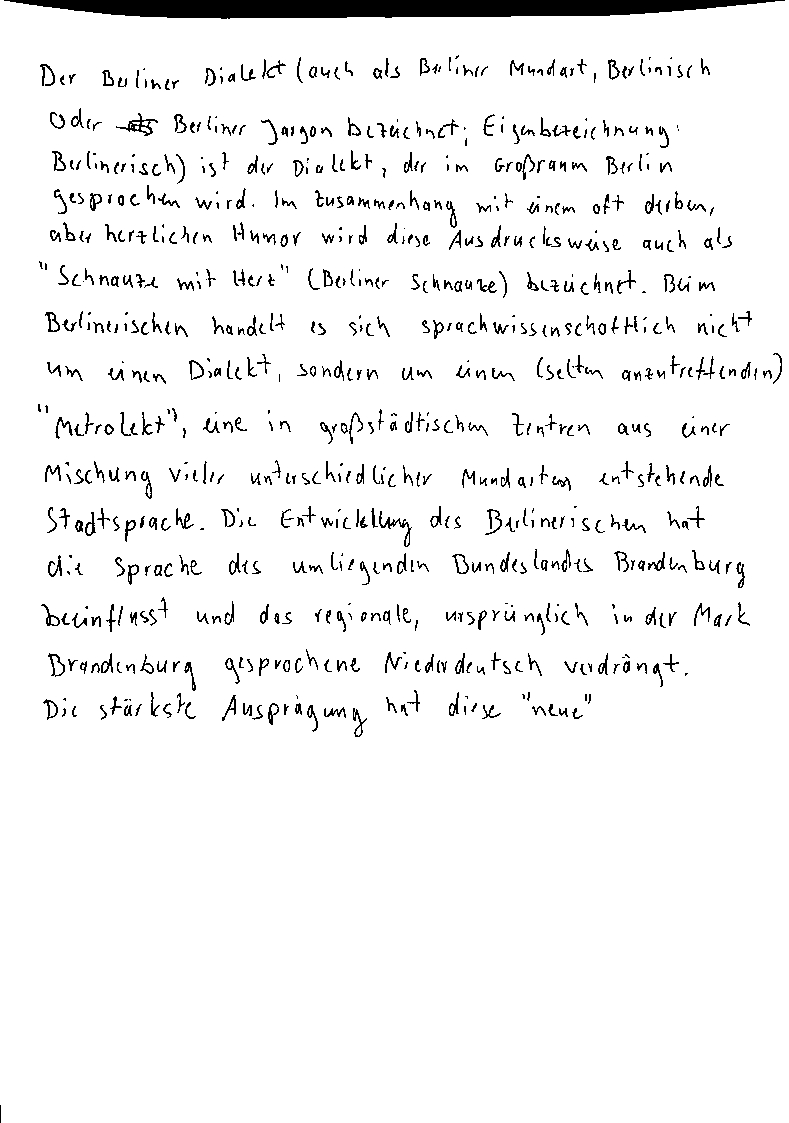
Der Berliner Dialekt (auch als Berliner Mundart, Berlinisch
oder Berliner Jargon bezeichnet; Eigenbezeichnung
Berlinerisch) ist der Dialekt, der im Großraum Berlin
esprochen wird. Im Zusammenhang mit einem oft derben,
aber herzlichen Humor wird diese Ausdrucksweise auch als
"Schnauze mit Herz" (Berliner Schnauze) bezeichnet. Beim
Berlinerischen handelt es sich sprachwissenschaftlich nicht
um einen Dialekt, sondern um einen (selten anzutreffenden)
"Metrolekt", eine in großstädtischen Zentren aus einer
Mischung vieler unterschiedlicher Mundarten entstehende
Stadtsprache. Die Entwicklung des Berlinerischen hat
die Sprache des umliegenden Bundeslandes Brandenburg
beeinflusst und das regionale, ursprünglich in der Mark
Brandenburg gesprochene Niederdeutsch verdrängt.
Die stärkste Ausprägung hat diese "neue"
